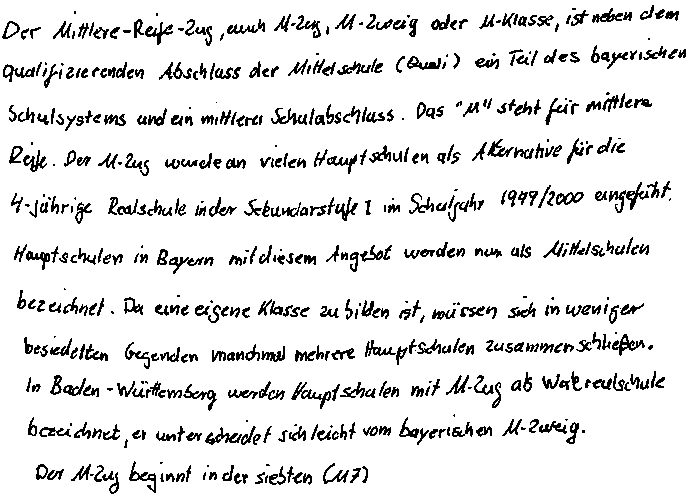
Der Mittlere-Reife-Zug, auch M-Zug, M-Zweig oder M-Klasse, ist neben dem
qualifizierenden Abschluss der Mittelschule (Quali) ein Teil des bayerischen
Schulsystems und ein mittlerer Schulabschluss. Das "M" steht für mittlere
Reife. Der M-Zug wurde an vielen Hauptschulen als Alternative für die
4-jährige Realschule in der Sekundarstufe I im Schuljahr 1999/2000 eingeführt.
Hauptschulen in Bayern mit diesem Angebot werden nun als Mittelschulen
bezeichnet. Da eine eigene Klasse zu bilden ist, müssen sich in weniger
besiedelten Gegenden manchmal mehrere Hauptschulen zusammenschließen.
In Baden-Württemberg werden Hauptschulen mit M-Zug als Werkrealschule
bezeichnet, er unterscheidet sich leicht vom bayerischen M-Zweig.
Der M-Zug beginnt in der siebten (M7)
